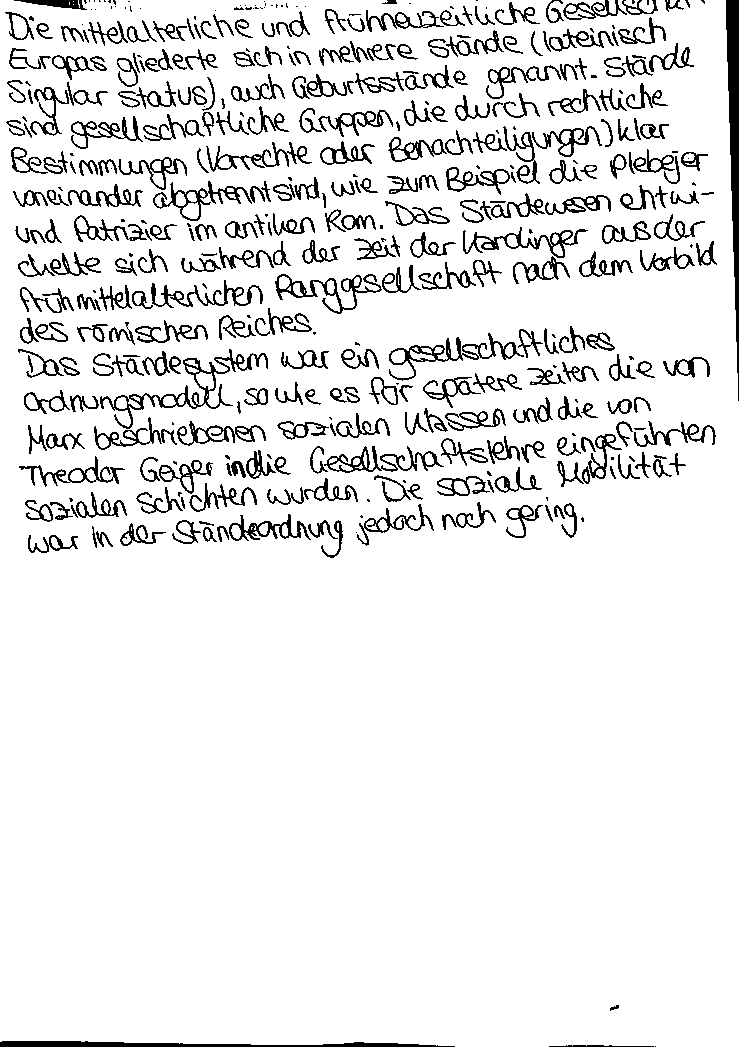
Die mittelalterliche und frühneuzeitliche Gesellschaft
Europas gliederte sich in mehrere Stände (lateinisch
Singular Status ) auch Geburtsstände genannt Stände
sind gesellschaftliche Gruppen die durch rechtliche
Bestimmungen (Vorrechte oder Benachteiligungen klar
voneinander abgetrennt sind wie zum Beispiel die Plebejer
und Patrizier im antiken Rom. Das Ständewesen entwi
ckelte sich während der Zeit der Karolinger aus dar
frühmittelalterlichen Ranggesellschaft nach dem Vorbild
des römischen Reiches.
Das Ständesystem war ein gesellschaftliches
Ordnungsmodell, so wie es für spätere Zeiten die von
Marx beschriebenen sozialen Klassen und die von
Theodor Geiger in die Gesellschaftslehre eingeführten
sozialen Schichten wurden. Die Soziale Mobilität
war in der Ständeordnung jedoch noch gering.
